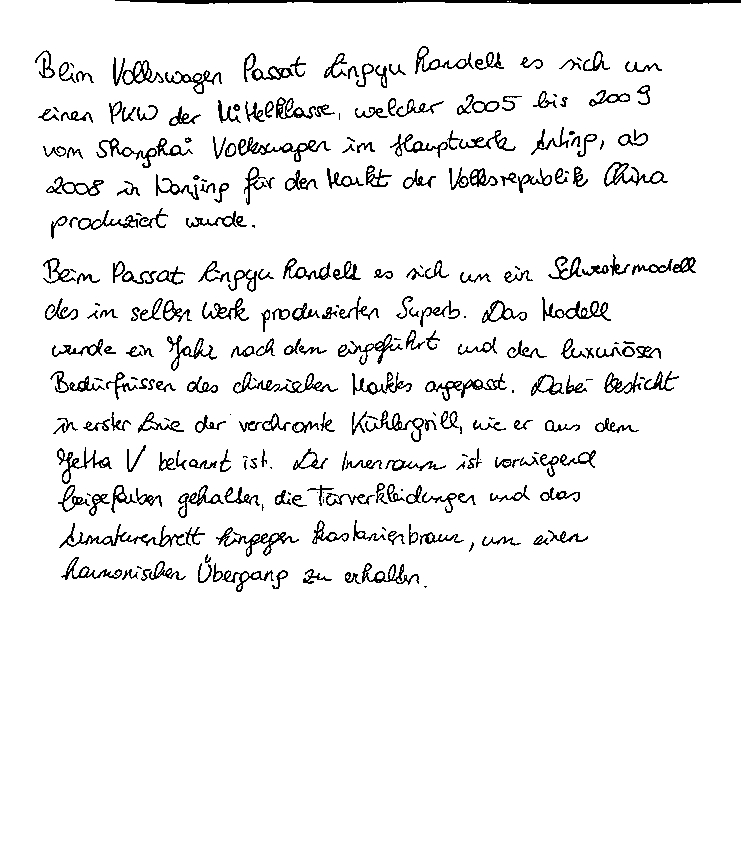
Beim Volkswagen Passt Lingyu handelt es sich um
einen Pkw der Mittelklasse, welcher 2005 bis 2009
von Shanghai Volkswagen im Hauptwerk Anhing , ab
2008 in Nanjing für den Markt der Volksrepublik China
produziert wurde.
Beim Passat Lingyu handelt es scih um ein Schwestermodell
des im selben Werk produzierten Superb. Das Modell
wurde ein Jahr nach dem eingeführt und den luxuriösen
Bedürfnissen des chinesischen Marktes angepasst. Dabei besticht
in erster Linie der verchromte Kühlergrill wie er aus dem
Jetta V bekannt ist. Der Innenraum ist vorwiegend
beigefarben gehalten, die Türverkleidungen und das
Armaturenbrett hingegen kastanienbraun , um einen
harmonischen Übergang zu erhalten.
